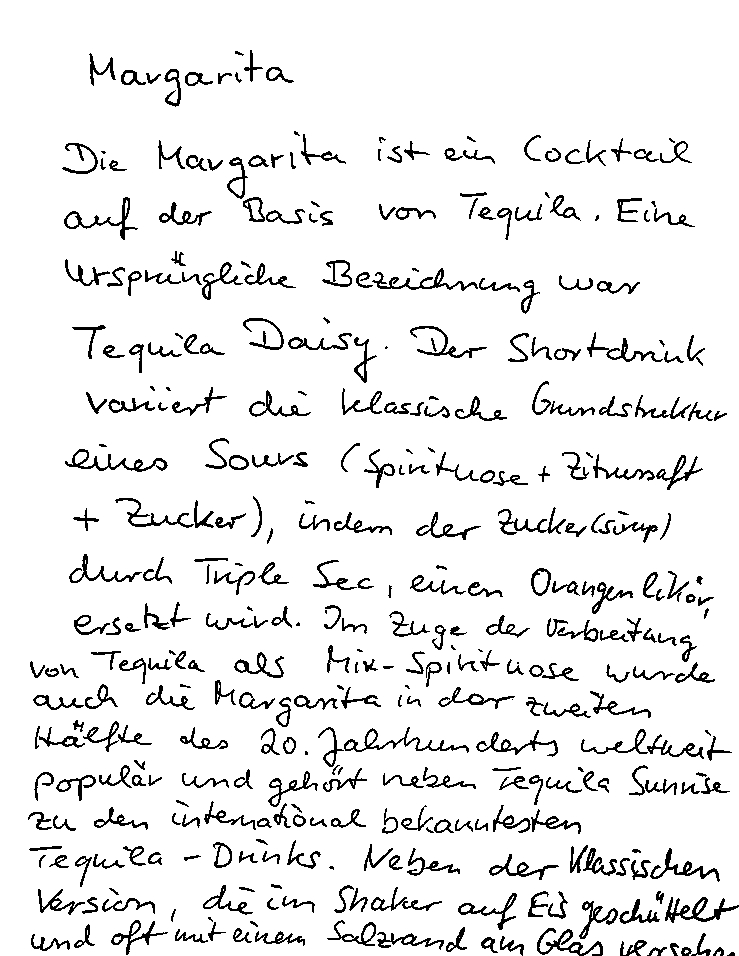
Margarita
Die Margarita ist ein Cocktail
auf der Basis von Tequila. Eine
ursprüngliche Bezeichnung war
Tequila Daisy. Der Shortdrink
variiert die klassische Grundstruktur
eines Sours (Spirituose + Zitrussaft
+ Zucker), indem der Zucker(sirup)
durch Triple Sec, einen Orangenlikör,
ersetzt wird. Im Zuge der Verbreitung
von Tequila als Mix-Spirituose wurde
auch die Margarita in der zweiten
Hälfte des 20. Jahrhunderts weltweit
populär und gehört neben Tequila Sunrise
zu den international bekanntesten
Tequila-Drinks. Neben der klassischen
Version, die im Shaker auf Eis geschüttelt
und oft mit einem Salzrand am Glas
